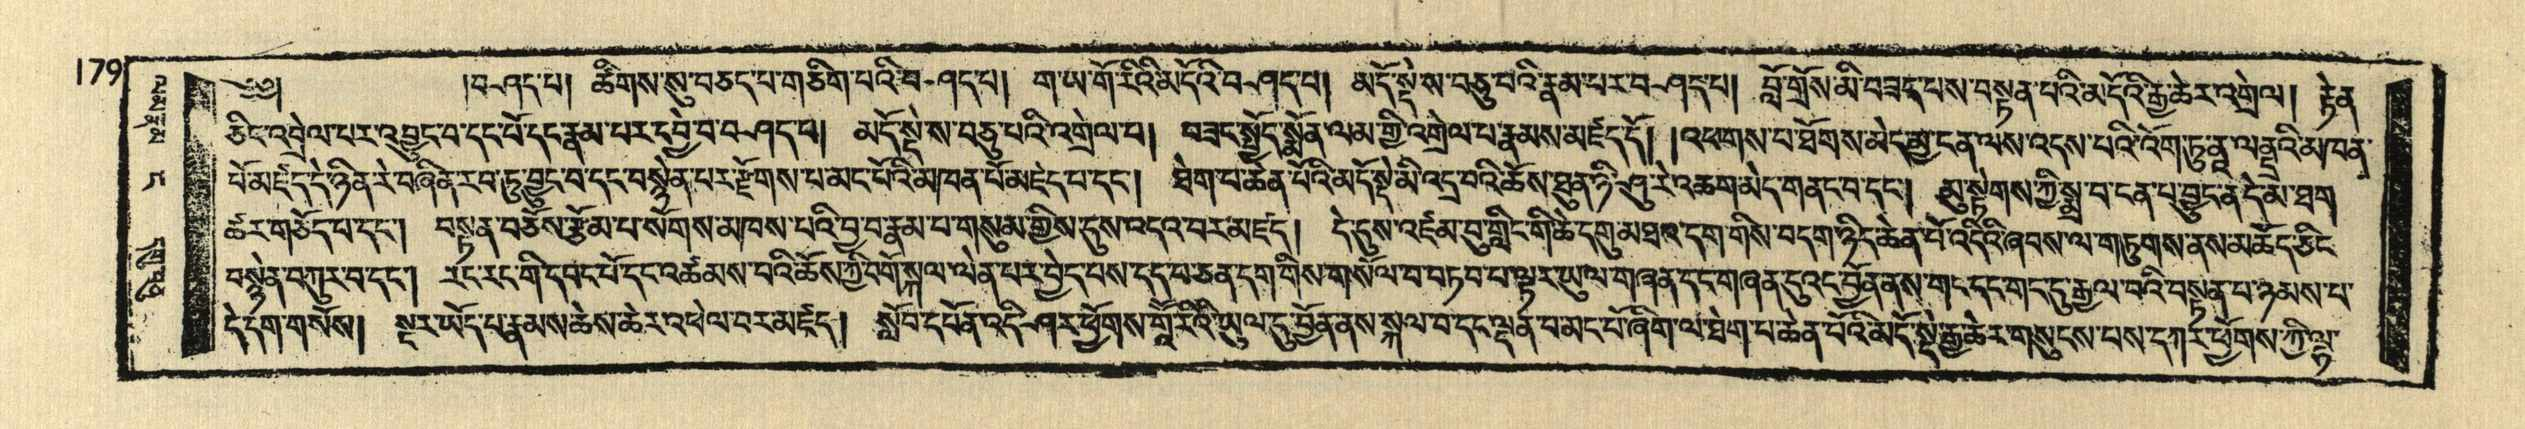༄༅། །བཤད་པ། ཚིགས་སུ་བཅད་པ་གཅིག་པའི་བཤད་པ། ག་ཡ་གོ་རིའི་མདོའི་བཤད་པ། མདོ་སྡེས་བཅུ་བའི་རྣམ་པར་བཤད་པ། བློ་གྲོས་མི་བཟང་པས་བསྟན་པའི་མདོའི་རྒྱ་ཆེར་འགྲེལ། རྟེན་
ཅིང་འབྲེལ་པར་འབྱུང་པ་དང་པོ་དང་རྣམ་པར་དབྱེ་བ་བཤད་པ། མདོ་སྡེ་ས་བཅུ་པའི་འགྲེལ་པ། བཟང་སྤྱོད་སྨོན་ལམ་གྱི་འགྲེལ་པ་རྣམས་མཛད་དོ། །འཕགས་པ་ཐོགས་མེད་མྱ་ངན་ལས་འདས་པའི་འོག་ཏུ་ནཱ་ལནྡྲའི་མཁན་
པོ་མཛད་དེ་ཉིན་རེ་བཞིན་རབ་ཏུ་བྱུང་བ་དང་བསྙེན་པར་རྫོགས་པ་མང་པོའི་མཁན་པོ་མཛད་པ་དང་། ཐེག་པ་ཆེན་པོའི་མདོ་སྡེ་མི་འདྲ་བའི་ཆོས་ཐུན་ཉི་ཤུ་རེ་འཆག་མེད་གནང་བ་དང་། མུ་སྟེགས་ཀྱི་སྨྲ་བ་ངན་པ་བྱུང་ན་དེ་མ་ཐག་
ཚར་གཅོད་པ་དང་། བསྟན་བཅོས་རྩོམ་པ་སོགས་མཁས་པའི་བྱ་བ་རྣམ་པ་གསུམ་གྱིས་དུས་འདའ་བར་མཛད། དེ་དུས་འཛམ་བུ་གླིང་གི་ཆེ་དགུ་མཐའ་དག་གིས་བདག་ཉིད་ཆེན་པོ་འདིའི་ཞབས་ལ་གཏུགས་ནས་མཆོད་ཅིང་
བསྙེན་བཀུར་བ་དང་། རང་རང་གི་དབང་པོ་དང་འཚམས་པའི་ཆོས་ཀྱི་བགོ་སྐལ་ལེན་པར་བྱེད་པས་དད་པ་ཅན་དག་གིས་གསོལ་བ་བཏབ་པ་ལྟར་ཡུལ་གཞན་དང་ཞན་དུའང་བྱོན་ནས་གང་དང་གང་དུ་རྒྱལ་བའི་བསྟན་པ་ཉམས་པ་
དེ་དག་གསོས། སྔར་ཡོད་པ་རྣམས་ཆེས་ཆེར་འཕེལ་བར་མཛད། སློབ་དཔོན་འདི་ཤར་ཕྱོགས་གOཨོ་རིའི་ཡུལ་དུ་བྱོན་ནས་སྐལ་བ་དང་ལྡན་བ་མང་པོ་ཞིག་ལ་ཐེག་པ་ཆེན་པོའི་མདོ་སྡེ་རྒྱ་ཆེར་གསུངས་པས་དཀར་ཕྱོགས་ཀྱི་ལྷ་